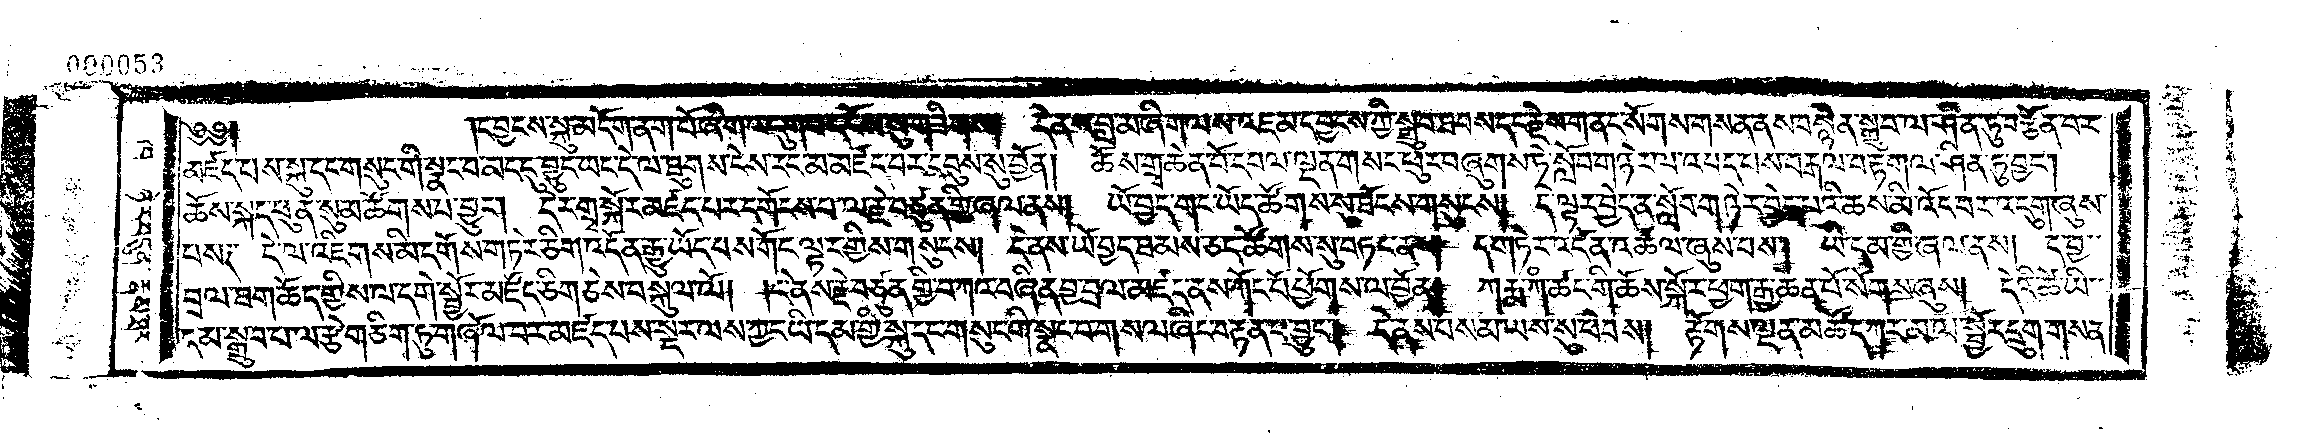༄༅། །དབྱངས་སྐུ་མདོག་ནག་པོ་ཞིག་འདུག་པ་དངོས་སུ་གཟིགས། དེ་ནས་བླ་མ་ཞིག་ལས་འཇམ་དབྱངས་ཀྱི་སྒྲུབ་ཐབས་དང་རྗེས་གནང་སོགས་གསན་ནས་བསྙེན་སྒྲུབ་ལ་ཤིན་ཏུ་བརྩོན་བར་
མཛད་པས་སྐུ་དང་གསུང་གི་སྣང་བ་མང་དུ་བྱུང་ཡང་དེ་ལ་ཐུགས་ངེས་རང་མ་མཛད་པར་དབུས་སུ་བྱོན། ཆོས་གྲྭ་ཆེན་པོ་དཔལ་ལྡན་གསང་ཕུར་བཞུགས་ཏེ་སློབ་གཉེར་ལ་འབད་བས་བརྒལ་བརྟག་ལ་ཤིན་ཏུ་བྱང་།
ཆོས་སྐད་ཕུན་སུམ་ཚོགས་པ་བྱུང་། དེར་གྲྭ་སྐོར་མཛད་པར་དགོངས་པ་ལ་རྗེ་བཙུན་གྱི་ཞལ་ནས། ཡོ་བྱད་གང་ཡོད་ཚོགས་སུ་ཐོངས་གསུངས། དེ་ལྟར་བྱེད་ན་སློབ་གཉེར་བྱེད་པའི་ཆས་མི་འོང་བར་འདུག་ཞུས་
པས༑ དེ་ལ་འཇིགས་མི་དགོས་གཏེར་ཅིག་འདོན་རྒྱུ་ཡོད་པས་གོང་ལྟར་གྱིས་གསུངས། དེ་ནས་ཡོ་བྱད་ཐམས་ཅད་ཚོགས་སུ་བཏང་ནས། ད་གཏེར་འདོན་འཚལ་ཞུས་པས། ཡི་དམ་གྱི་ཞལ་ནས། ད་བྱ་
བྲལ་ཐག་ཆོད་གྱིས་ལ་དགེ་སྦྱོར་མཛོད་ཅིག་ཅེས་བསྐུལ་ལོ། །དེ་ནས་རྗེ་བཙུན་གྱི་བཀའ་བཞིན་བྱ་བྲལ་མཛད་ནས་ཀོང་པོ་ཕྱོགས་ལ་བྱོན། ཀརྨ་ཀཾ་ཚང་གི་ཆོས་སྐོར་ཕྱག་རྒྱ་ཆེན་པོ་སོགས་ཞུས། དེའི་ཚེ་ཡི་
དམ་སྒྲུབ་པ་ལ་རྩེ་གཅིག་ཏུ་གཞོལ་བར་མཛད་པས་སྔར་ལས་ཀྱང་ཡི་དམ་གྱི་སྐུ་དང་གསུང་གི་སྣང་བ་གསལ་ཞིང་བརྟན་པ་བྱུང་། དེ་ནས་བསམ་ཡས་སུ་ཕེབས། རྟོགས་ལྡན་མཚོ་དཀར་མལ་སྦྱོར་དྲུག་གསན་